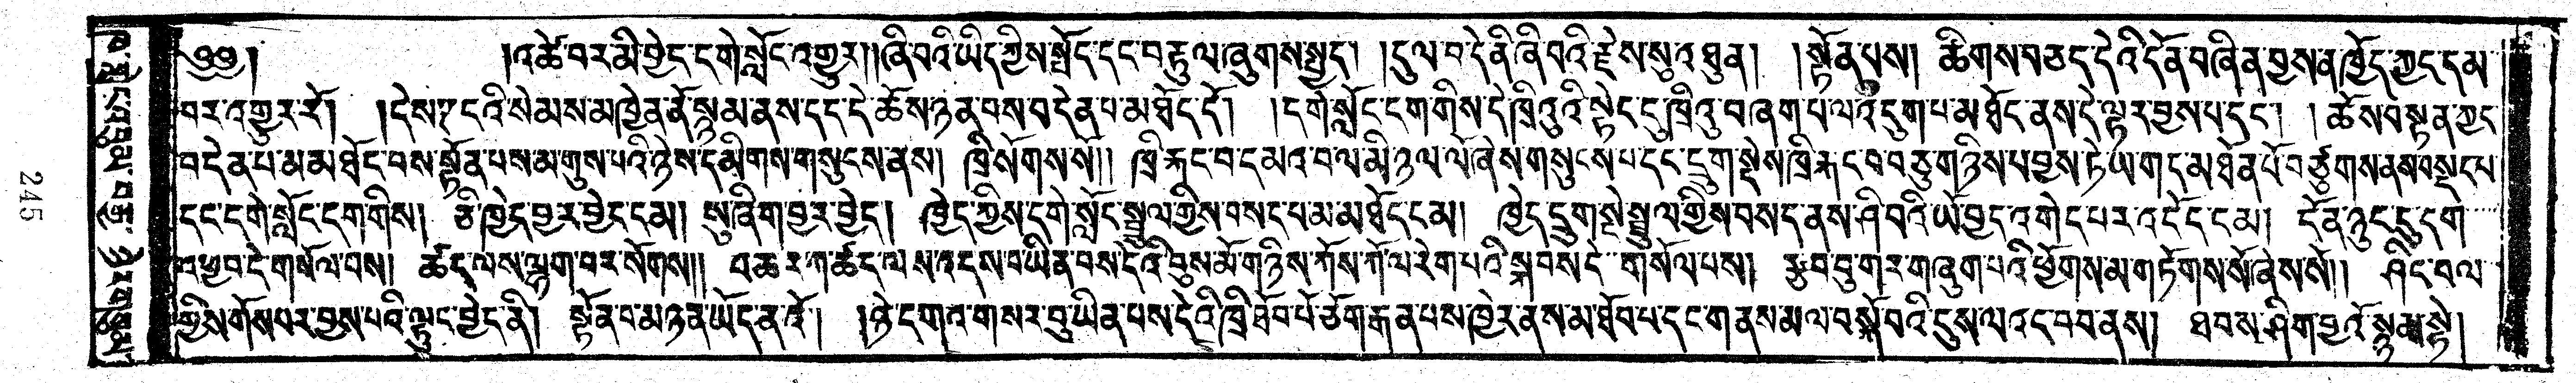༄༅། །འཚེ་བར་མི་བྱེད་དགེ་སློང་འགྱུར། །ཞི་བའི་ཡིད་ཀྱིས་སྤོང་དང་བརྟུལ་ཞུགས་སྤྱད། །དུལ་བ་དེ་ནི་ཞི་བའི་རྗེས་སུ་འཐུན། །སྟོན་པས། ཚིགས་བཅད་དེའི་དོན་བཞིན་བྱས་ན་ཁྱོད་ཀྱང་དམ་
བར་འགྱུར་རོ། །དེས༑ ངའི་སེམས་མཁྱེན་ནོ་སྙམ་ནས་དད་དེ་ཆོས་ཉན་པས་བདེན་པ་མཐོད་དོ། །དགེ་སློང་དག་གིས་དེ་ཁྲིའུའི་སྟེང་དུ་ཁྲིའུ་བཞག་པ་ལ་འདུག་པ་མཐོང་ནས་དེ་ལྟར་བྱས་པ་དང་། །ཆོས་བསྟན་ཀྱང་
བདེན་པ་མ་མཐོང་བས་སྟོན་པས་མ་གུས་པའི་ཉེས་དམིགས་གསུངས་ནས། ཁྲི་སོགས་སོ། །ཁྲི་རྐང་བ་དམའ་བ་ལ་མི་ཉལ་ལོ་ཞེས་གསུངས་པ་དང་དྲུག་སྡེས་ཁྲི་རྐང་བ་བཅུ་གཉིས་པ་བྱས་ཏེ་ཡ་གད་མཐོན་པོ་བཙུགས་ནས་བསྡང་པ་
དང་དགེ་སློང་དག་གིས། ཅི་ཁྱེད་བྱར་བྱེད་དམ། སུ་ཞིག་བྱར་བྱེད། ཁྱེད་ཀྱིས་དགེ་སློང་སྦྲུལ་གྱིས་བསད་པ་མ་མཐོང་ངམ། ཁྱེད་དྲུག་སྡེ་སྦྲུལ་གྱིས་བསད་ནས་ཤི་བའི་ཡོ་བྱད་འགེད་པར་འདོད་ངམ། དོན་ཉུང་དུ་དག་
འཕྱབ་དེ་གསོལ་བས། ཚད་ལས་ལྷག་པར་སོགས།། འཆར་ཀ་ཚད་ལས་འདས་བ་ཡིན་པས་དེའི་བུས་མོ་གཉིས་ཀོས་ཀོ་ལ་རེག་པའི་སྐབས་དེ་གསོལ་པས། རྩ་བ་བུ་གར་གཞུག་པའི་ཕྱོགས་མ་གཏོགས་སོ་ཞེས་སོ།། ཤིང་བལ་
གྱིས་གོས་པར་བྱས་པའི་ལྟུང་བྱེད་ནི། སྟོན་བ་མཉན་ཡོད་ནའོ། །ཉེ་དགའ་གསར་བུ་ཡིན་པས་དེའི་ཁྲི་ཐོབ་པོ་ཅོག་རྒན་པས་ཁྱེར་ནས་མ་ཐོབ་པ་དང་གནས་མལ་བསྐོ་བའི་དུས་ལའང་བབ་ནས། ཐབས་ཤིག་བྱའོ་སྙམ་སྟེ།